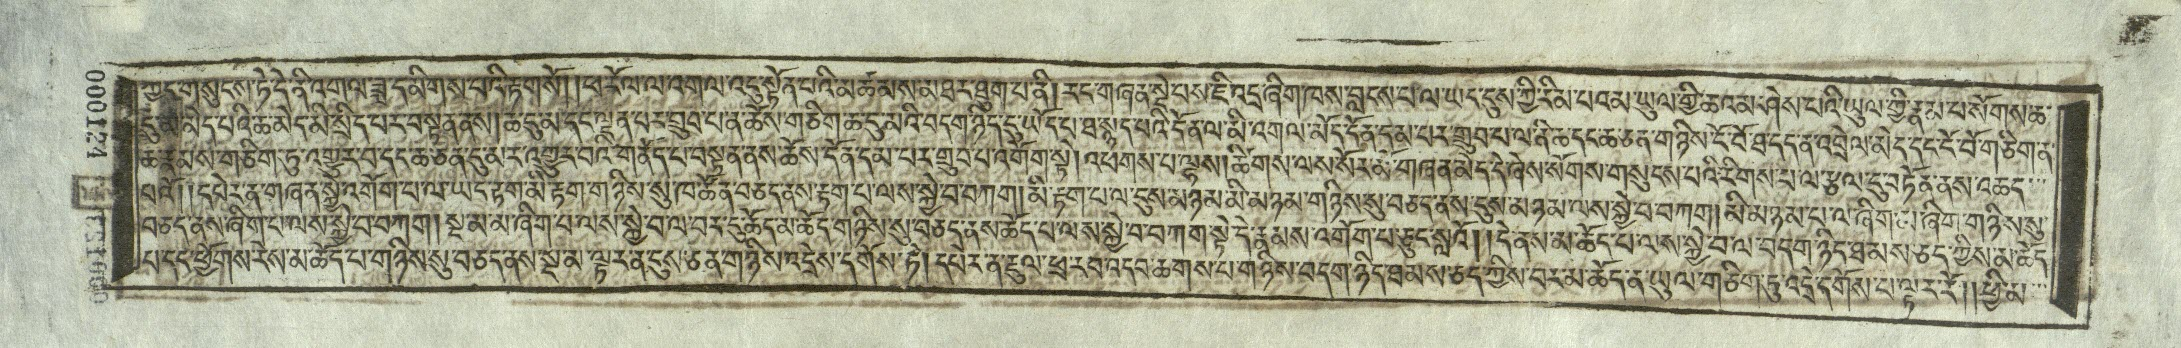ཀྱང་གསུངས་ཏེ་དེ་ནི་འགལ་ཟླ་དམིགས་པའི་རྟགས་སོ། །ཕ་རོལ་ལ་འགལ་འདུ་སྟོན་པའི་མཚམས་མཐར་ཐུག་པ་ནི། རང་གཞན་སྡེ་པས་ཇི་འདྲ་ཞིག་ཁས་བླངས་པ་ལ་ཡང་དུས་ཀྱི་རིམ་པའམ་ཡུལ་གྱི་ཆའམ་ཤེས་པའི་ཡུལ་གྱི་རྣམ་པ་སོགས་ཆ་
དུ་མ་མེད་པའི་ཆ་མེད་མི་སྲིད་པར་བསྟན་ནས། ཆ་དུ་མ་དང་ལྡན་པར་གྲུབ་པ་ན་ཆོས་གཅིག་ཆ་དུ་མའི་བདག་ཉིད་དུ་ཡོད་པ་ཐ་སྙད་པའི་དོན་ལ་མི་འགལ་མདོ་དོན་དམ་པར་གྲུབ་པ་ལ་ནི་ཆ་དང་ཆ་ཅན་གཉིས་ངོ་བོ་ཐ་དད་ན་འབྲེལ་མེད་དང་ངོ་བོ་གཅིག་ན་
ཆ་རྣམས་གཅིག་ཏུ་འགྱུར་བ་དང་ཆ་ཅན་དུ་མར་འགྱུར་བའི་གནོད་པ་བསྟན་ནས་ཆོས་དོན་དམ་པར་གྲུབ་པ་འགོག་སྟེ། འཕགས་པ་ལྷས། ཚིགས་ལས་སོར་མོ་གཞན་མེད་དེ་ཞེས་སོགས་གསུངས་པའི་རིགས་པ་ལ་རྩལ་དུ་བཏོན་ནས་འཆད་
པའོ། །དཔེར་ན་གཞན་སྐྱེ་འགོག་པ་ལ་ཡང་རྟག་མི་རྟག་གཉིས་སུ་ཁ་ཚོན་བཅད་ནས་རྟག་པ་ལས་སྐྱེ་བ་བཀག །མི་རྟག་པ་ལ་དུས་མཉམ་མི་མཉམ་གཉིས་སུ་བཅད་ནས་དུས་མཉམ་ལས་སྐྱེ་བ་བརྐག །མི་མཉམ་པ་ལ་ཞིག་མ་ཞིག་གཉིས་སུ་
བཅད་ནས་ཞིག་པ་ལས་སྐྱེ་བ་བཀག། སྔ་མ་མ་ཞིག་པ་ལས་སྐྱེ་བ་ལས་བར་དུ་ཆོད་མ་ཆོད་གཉིས་སུ་བཅད་ནས་ཆོད་པ་ལས་སྐྱེ་བ་བཀག་སྟེ་དེ་རྣམས་འགོག་པ་ཅུང་སླའོ། །དེ་ནས་མ་ཆོད་པ་ལས་སྐྱེ་བ་ལ་བདག་ཉིད་ཐམས་ཅད་ཀྱིས་མ་ཆོད་
པ་དང་ཕྱོགས་རེས་མ་ཆོད་པ་གཉིས་སུ་བཅད་ནས་སྔ་མ་ལྟར་ན་དུས་ཅན་གཉིས་འདྲེས་དགོས་ཏེ། དཔེར་ན་རྡུལ་ཕྲ་རབ་འདབ་ཆགས་པ་གཉིས་བདག་ཉིད་ཐམས་ཅད་ཀྱིས་བར་མ་ཆོད་ན་ཡུལ་གཅིག་ཏུ་འདྲེ་དགོས་པ་ལྟར་རོ། །ཕྱི་མ་